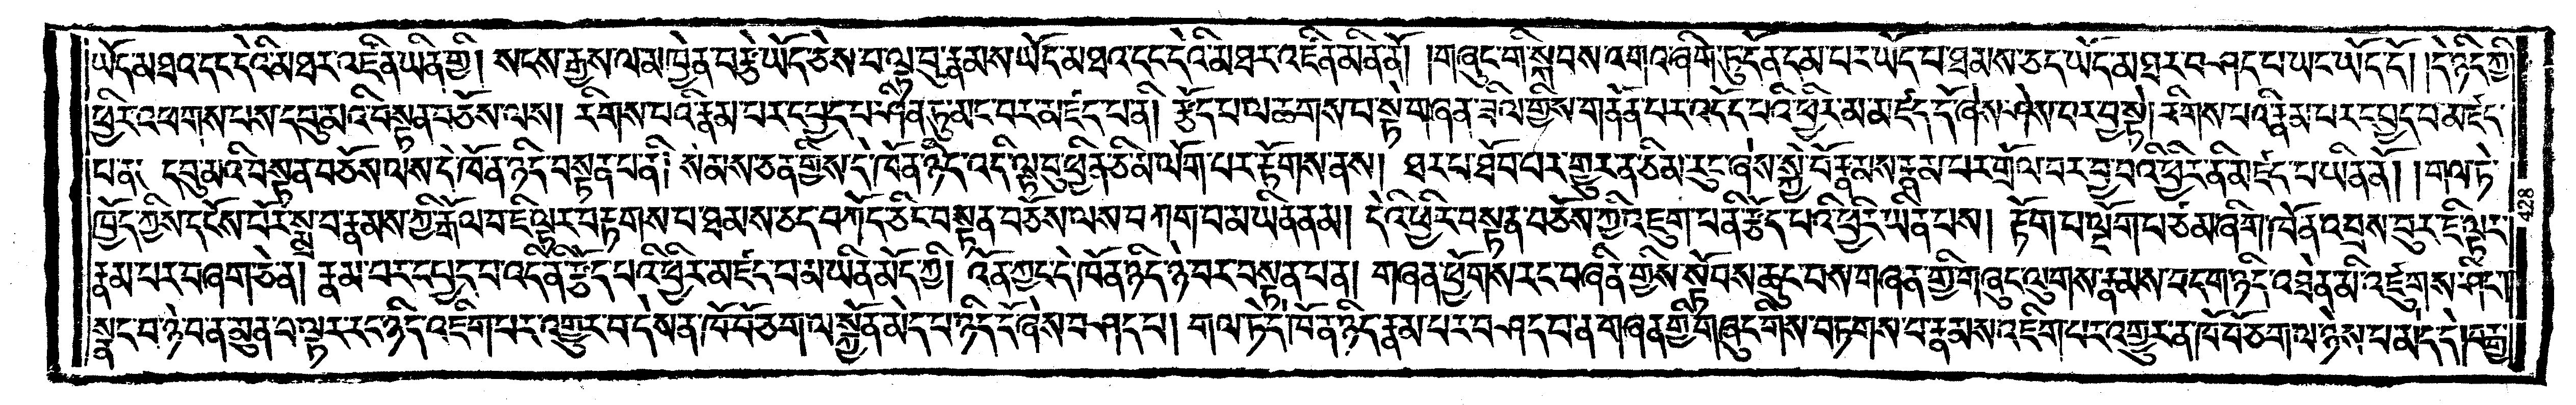ཡོད་མཐའ་དང་དེའི་མཐར་འཛིན་ཡིན་གྱི། སངས་རྒྱས་ལ་མཁྱེན་བརྩེ་ཡོད་ཅེས་པ་ལྟ་བུ་རྣམས་ཡོད་མཐའ་དང་དེའི་མཐར་འཛིན་མིན་ནོ། །གཞུང་གི་སྐབས་འགའ་ཞིག་ཏུ་དོན་དམ་པར་ཡོད་པ་ཐམས་ཅད་ཡོད་མཐར་བཤད་པ་ཡང་ཡོད་དོ། །དེ་ཉིད་ཀྱི་
ཕྱིར་འཕགས་པས་དབུ་མའི་བསྟན་བཅོས་ལས། རིགས་པའི་རྣམ་པར་དཔྱད་པ་ཤིན་ཏུ་མང་བར་མཛད་པ་ནི། རྩོད་པ་ལ་ཆགས་པ་སྟེ་གཞན་ཟིལ་གྱིས་གནོན་པར་འདོད་པའི་ཕྱིར་མ་མཛད་དོ་ཞེས་ཤེས་པར་བྱ་སྟེ། རིགས་པའི་རྣམ་པར་དཔྱད་པ་མཛད་
པ་ན༑ དབུ་མའི་བསྟན་བཅོས་ལས་དེ་ཁོ་ན་ཉིད་བསྟན་པ་ནི། སེམས་ཅན་གྱིས་དེ་ཁོ་ན་ཉིད་འདི་ལྟ་བུ་ཕྱིན་ཅི་མ་ལོག་པར་རྟོགས་ནས། ཐར་པ་ཐོབ་པར་གྱུར་ན་ཅི་མ་རུང་ཞེས་སྐྱེ་བོ་རྣམས་རྣམ་པར་གྲོལ་བར་བྱ་བའི་ཕྱིར་ནི་མཛད་པ་ཡིན་ནོ། །གལ་ཏེ་
ཁྱོད་ཀྱིས་དངོས་པོར་སྨྲ་བ་རྣམས་ཀྱི་རྒོལ་བ་ཇི་ལྟར་བརྟགས་པ་ཐམས་ཅད་བཀོད་ཅིང་བསྟན་བཅོས་ལས་བཀག་པ་མ་ཡིན་ནམ། དེའི་ཕྱིར་བསྟན་བཅོས་ཀྱི་འཇུག་པ་ནི་རྩོད་པའི་ཕྱིར་ཡིན་པས། རྟོག་པ་ལྡོག་པ་ཙམ་ཞིག་ཁོ་ན་འབྲས་བུར་ཇི་ལྟར་
རྣམ་པར་བཞག་ཅེ་ན། རྣམ་པར་དཔྱད་པ་འདི་ནི་རྩོད་པའི་ཕྱིར་མཛད་པ་མ་ཡིན་མོད་ཀྱི། འོན་ཀྱང་དེ་ཁོ་ན་ཉིད་ཉེ་བར་བསྟན་པ་ན། གཞན་ཕྱོགས་རང་བཞིན་གྱིས་སྟོབས་ཆུང་བས་གཞན་གྱི་གཞུང་ལུགས་རྣམས་བདག་ཉིད་འཐེན་མི་འཛུགས་ཤིང་།
སྣང་བ་ཉེ་བ་ན་མུན་པ་ལྟར་རང་ཉིད་འཇིག་པར་འགྱུར་བ་དེས་ན་ཁོ་བོ་ཅག་ལ་སྐྱོན་མེད་པ་ཉིད་དོ་ཞེས་བཤད་པ། གལ་ཏེ་དེ་ཁོ་ན་ཉིད་རྣམ་པར་བཤད་པ་ན་གཞན་གྱི་གཞུང་གིས་བཏགས་པ་རྣམས་འཇིག་པར་འགྱུར་ན་ཁོ་བོ་ཅག་ལ་ཉེས་པ་མེད་དེ། བརྒྱ་